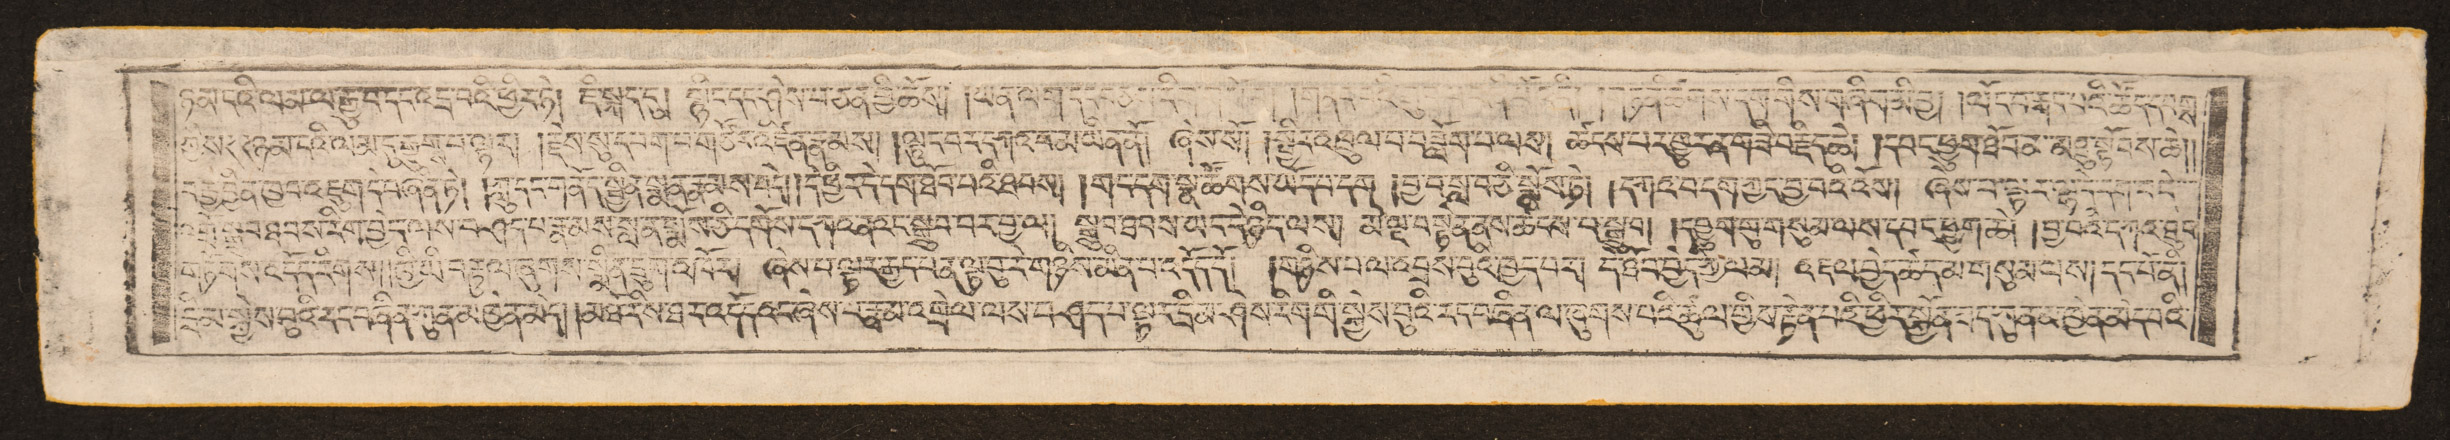ཉམ་ངའི་ལམ་ལ་རྒྱུ་བ་དང་འདྲ་བའི་ཕྱིར་ཏེ། ཇི་སྐད་དུ། སྙིང་དང་ཤེས་པ་ཅན་གྱི་ཆོས། །ཡན་ལག་དང་བཅས་རིག་གསོ་བ། །གནང་བའི་གྲུབ་པ་བཞི་པོ་འདི། །གཏན་ཚིགས་དག་གིས་གཞིག་མི་བྱ། །ལོང་བ་རྐང་པའི་ཚོད་དཔགས་
ཀྱིས༑ ༑ཉམ་ངའི་ལམ་དུ་རྒྱུགས་པ་ལྟར། །རྗེས་སུ་དཔག་པ་གཙོར་འཛིན་རྣམས། །ལྟུང་བར་དཀའ་བ་མ་ཡིན་ནོ། ཞེས་སོ། །སྤྱིར་འཁྲུལ་པ་བཟློག་པ་ལས། ཚངས་པར་གྱུར་ན་གཟི་བརྗིད་ཆེ། །དབང་ཕྱུག་ཐོབ་མ་མཐུ་སྟོབས་ཆེ།།
བརྒྱ་བྱིན་ཁྱབ་འཇུག་དེ་བཞིན་ཏེ། །ཀླུ་དང་གནོད་སྦྱིན་སྨན་རྣམས་བདེ། །དེ་ཕྱིར་དེ་དག་ཐོབ་པའི་ཐབས། །གང་དག་སྣ་ཚོགས་ཡོད་བ་དག །བྱ་བ་སླབ་ཅི་སྨོས་ཏེ། །དཀའ་བ་དག་ཀྱང་བྱ་ངའི་འོས། ཞེས་པ་ལྟར་ལྷ་དེ་དག་བདེ་
འགྲོ་སྒྲུབ་ཐབས་རིག་བྱེད་ལས་བཤད་པ་རྣམས་སླན་སྨོས་ཅི་དགོས་དཀའ་ནའང་སྒྲུབ་པར་བྱ་ལ། སྒྲུབ་ཐབས་ཡང་དེ་ཉིད་ལས། མེ་ལྔ་བསྟེན་ནས་ཚངས་པ་སྒྲུབ། །དབྱུག་གུ་གསུམ་ལས་དབང་ཕྱུག་ཆེ། །བྱ་བའི་དཀའ་ཐུབ་
གཏོགས་འདོད་རིགས། །ཁྱི་ཡི་བརྟུལ་ཞུགས་སྨིན་དྲུག་འཁོར། ཞེས་པ་ལྟར་རྒྱང་པ་ན་ལྟ་བུ་རེ་གཉིས་མིན་པ་འདོད་དོ། །གཉིས་པ་ལ་འབྲས་བུའི་ཁྱད་པར། དེ་ཐོབ་བྱེད་ཀྱི་ལམ། འཇལ་བྱེད་ཚད་མ་གསུམ་ལས། དང་པོ་ནི།
དྲི་མ་སྐྱེས་བུའི་རང་བཞིན་ཀུན་མཁྱེན་མེད། །མཐོ་རིས་ཐར་འདོད་འང་ཞེས་པ་རྣམ་འགྲེལ་ལས་བཤད་པ་ལྟར་དྲི་མ་ཤེས་རིག་གི་སྐྱེས་བུའི་རང་བཞིན་ལ་ཞུགས་པའི་ཚུལ་གྱིས་རྟེན་པའི་ཕྱིར་སྐྱོན་ཟད་ཀུན་མཁྱེན་མེད་པའི་